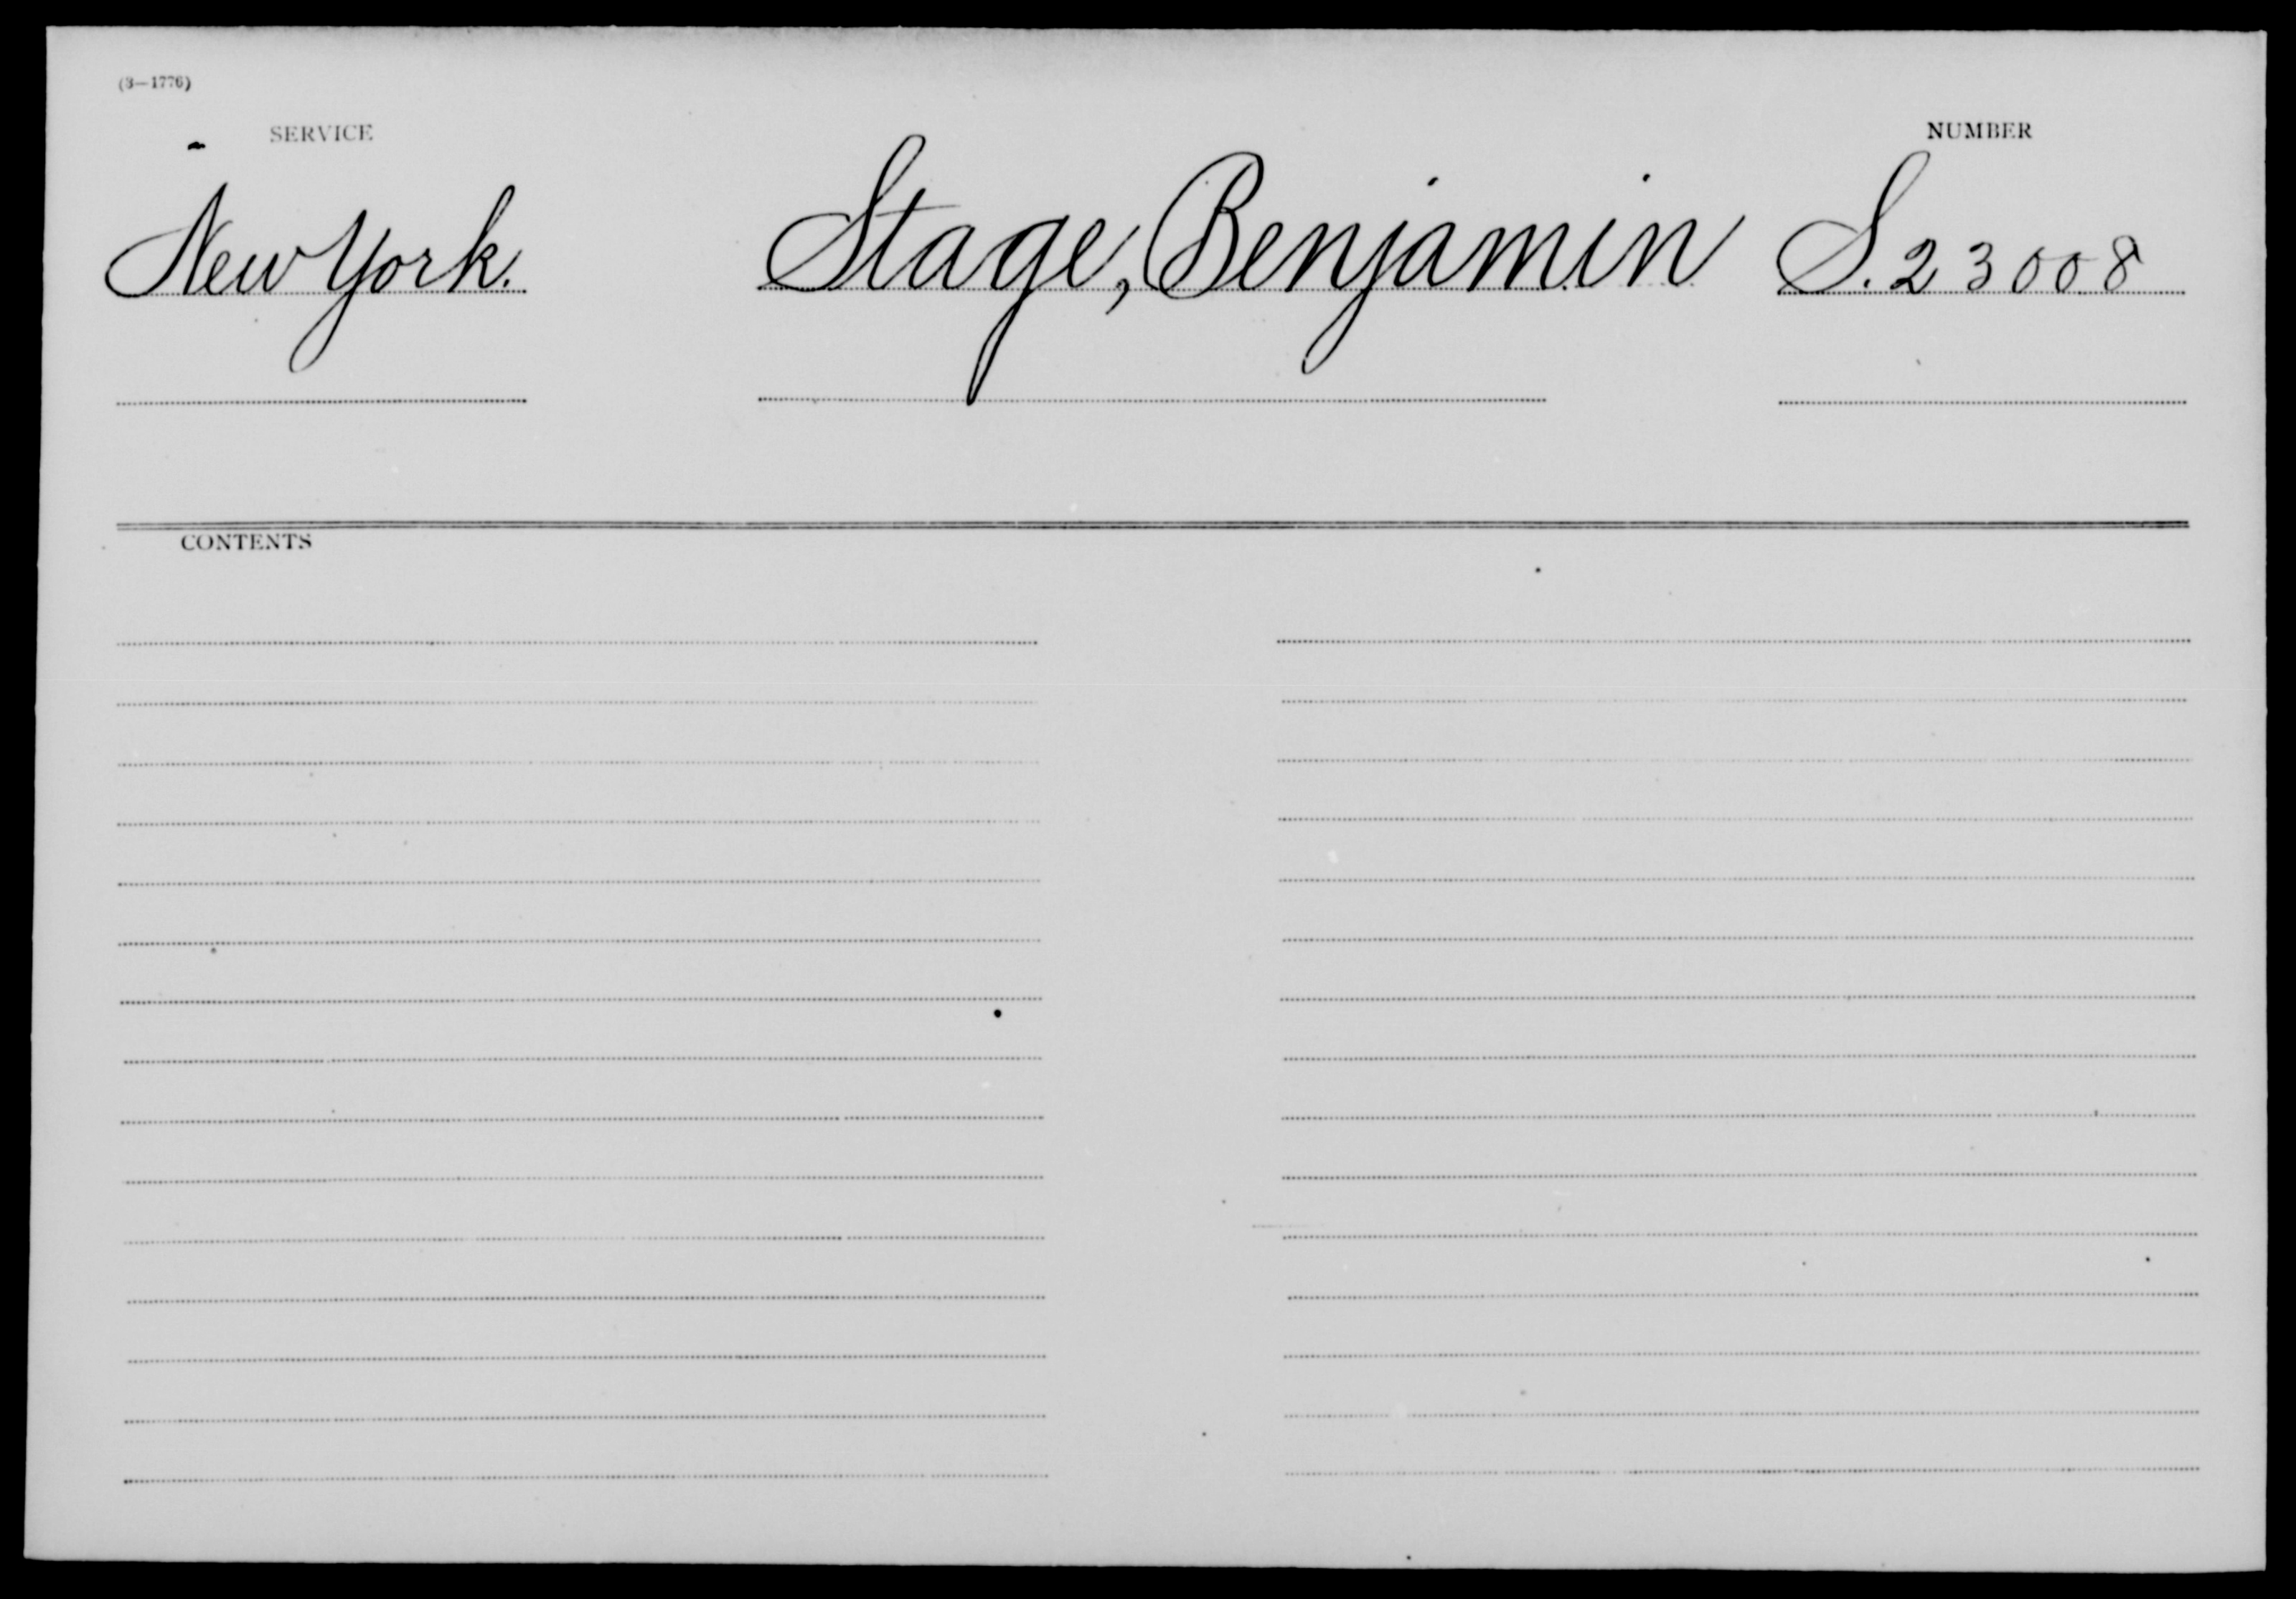Service  Number
New York. Stage, Benjamin  S.23008
Contents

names: [BLANK]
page: 1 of 23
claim: survivor's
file: S. 23008, for Benjamin Stage, New York